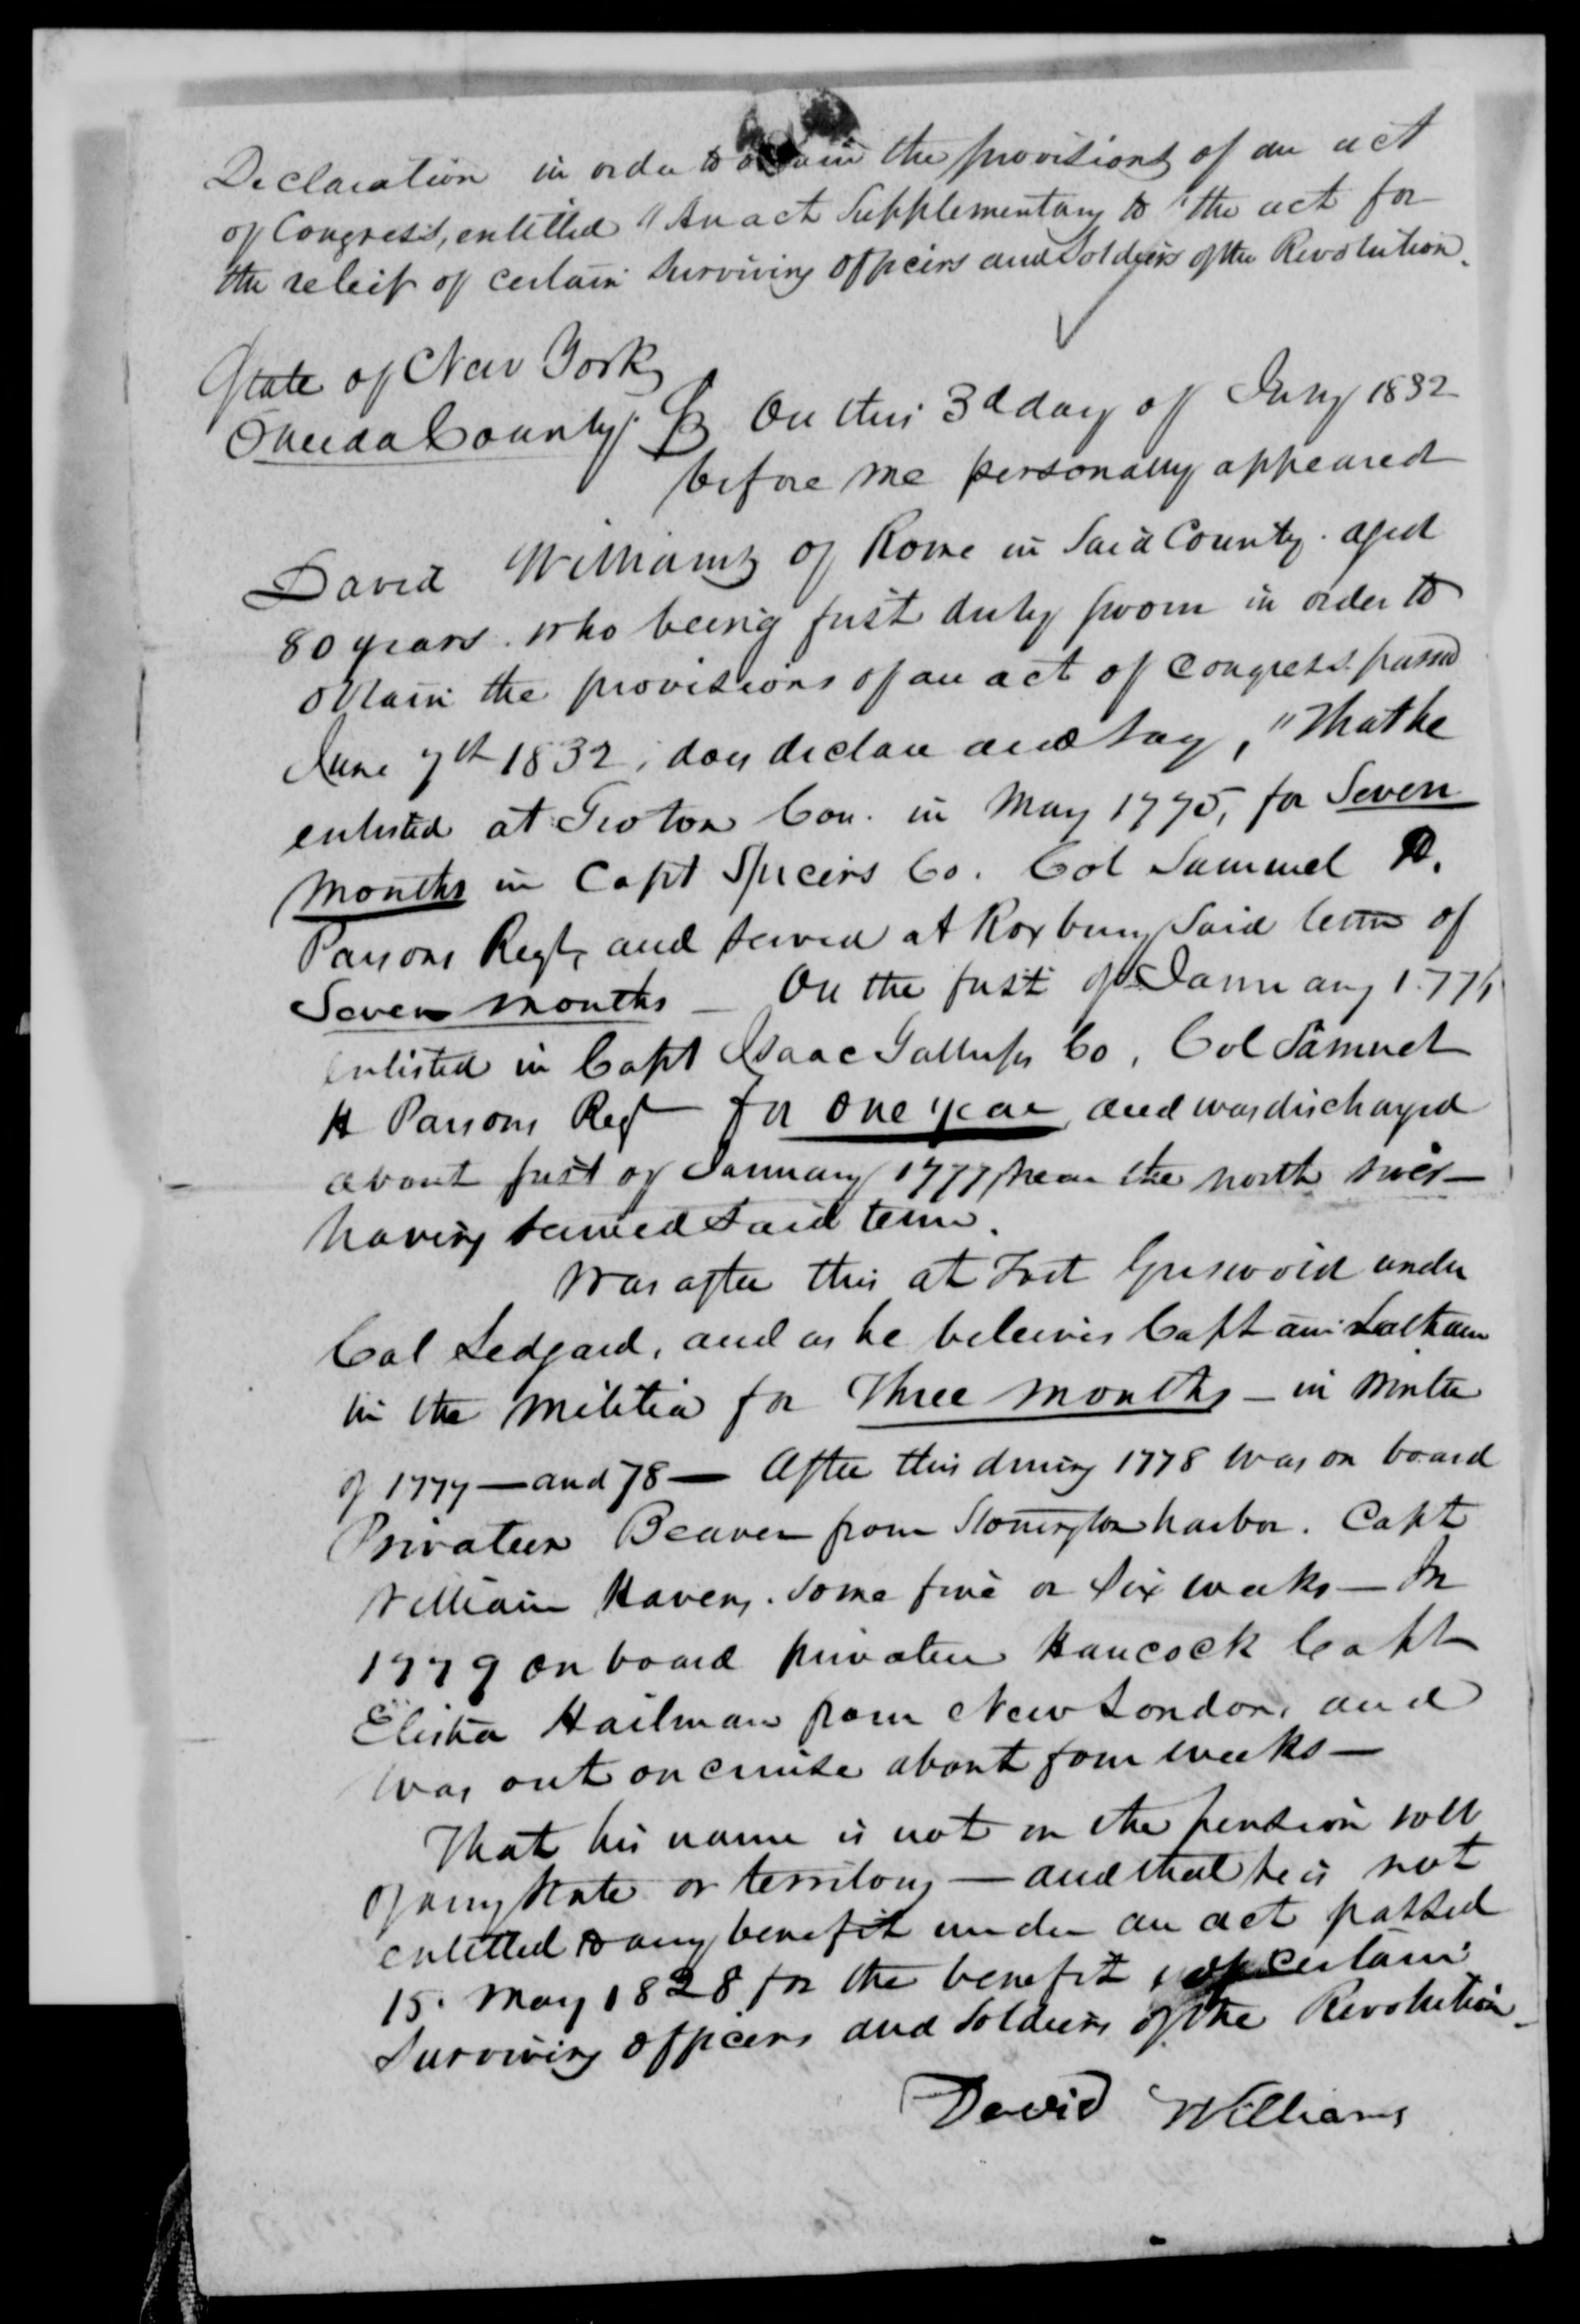Declaration in order to obtain the provisions of an act of Congress, entitled "An act supplementary to the act for the relief of certain surviving officers and Soldiers of the Revolution."
State of New York Oneida County ss
On this 3d day of Jany 1832 before me personally appeared David Williams of Rome in said county aged 80 years who being first duly sworn in order to obtain the provisions of an act of Congress passed June 7th 1832, does declare and say, "That he enlisted at Groton Con. in May 1775, for seven months in Capt Spicers Co. Col Samuel H. Parsons Regt and served at Roxbury said term of seven months.  On the first of January 1776 enlisted in Capt Isaac Gallups Col Col Samuel H Parsons Regt for one year, and was discharged about first of January 1777 near the north river - having served said term.
Was after this at Fort Griswold under Soll Sedgard, and as he believes Captain Latham in the militia for three months in winter of 1777 and 78  After this during 1778 was on board Privateer Beaver from Stonington harbor. Capt William Haven some five or six weeks.  In 1779 on board privateer Hancock Capt Elisha Hailman from New London, and was out on cruise about four weeks.
That his name is not in the pension roll of any State or territory -- and that he is not entitled to any benefit under an act passed 15 May 1828 for the benefit of certain surviving officers and soldiers of the Revolution.
David Williams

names: William Havens, Elisha Hailman, David Williams, Beaver, Hancock, Ledgard, Latham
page: 5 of 63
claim: widow's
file: W. 22,632, David Williams, Conn. Continental Privateer